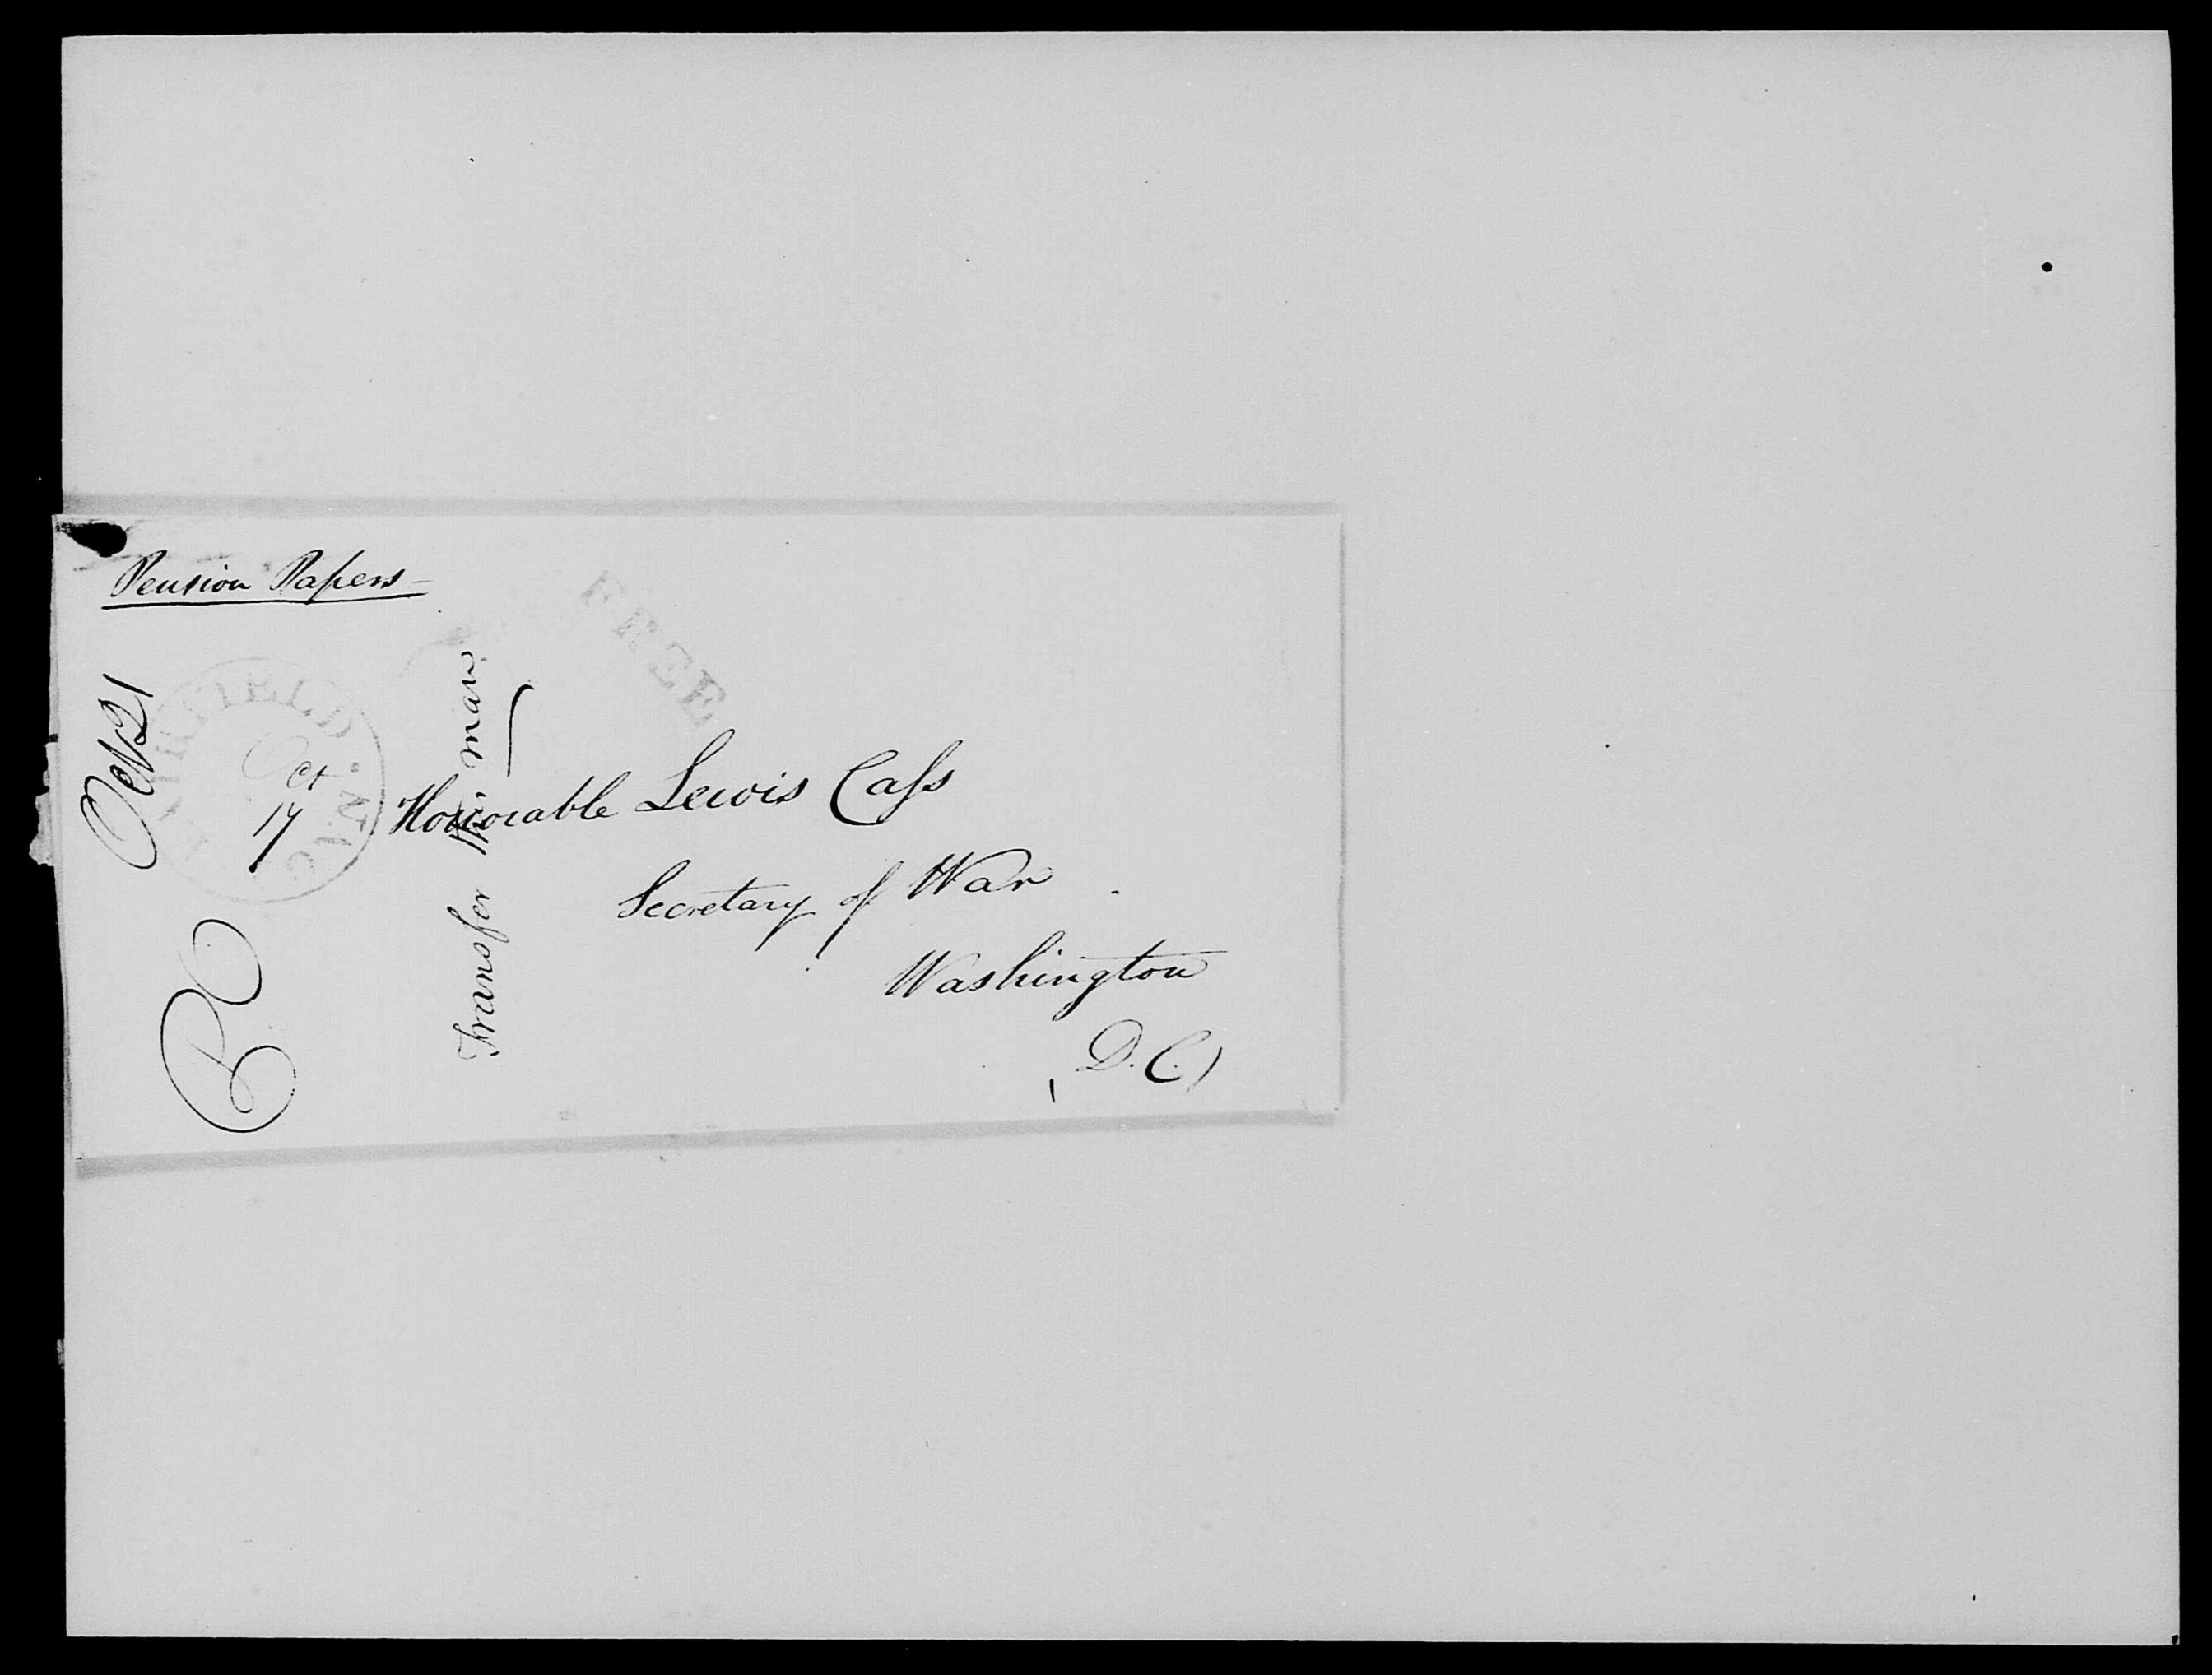Pension Papers
Honorable Lewis Cass
Secretary of War
Washington 
D.C.
Oct 21
PO
Transfer this man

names: Lewis Cass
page: 18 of 24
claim: survivor's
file: S. 20,926, for Daniel Provost, Connecticut